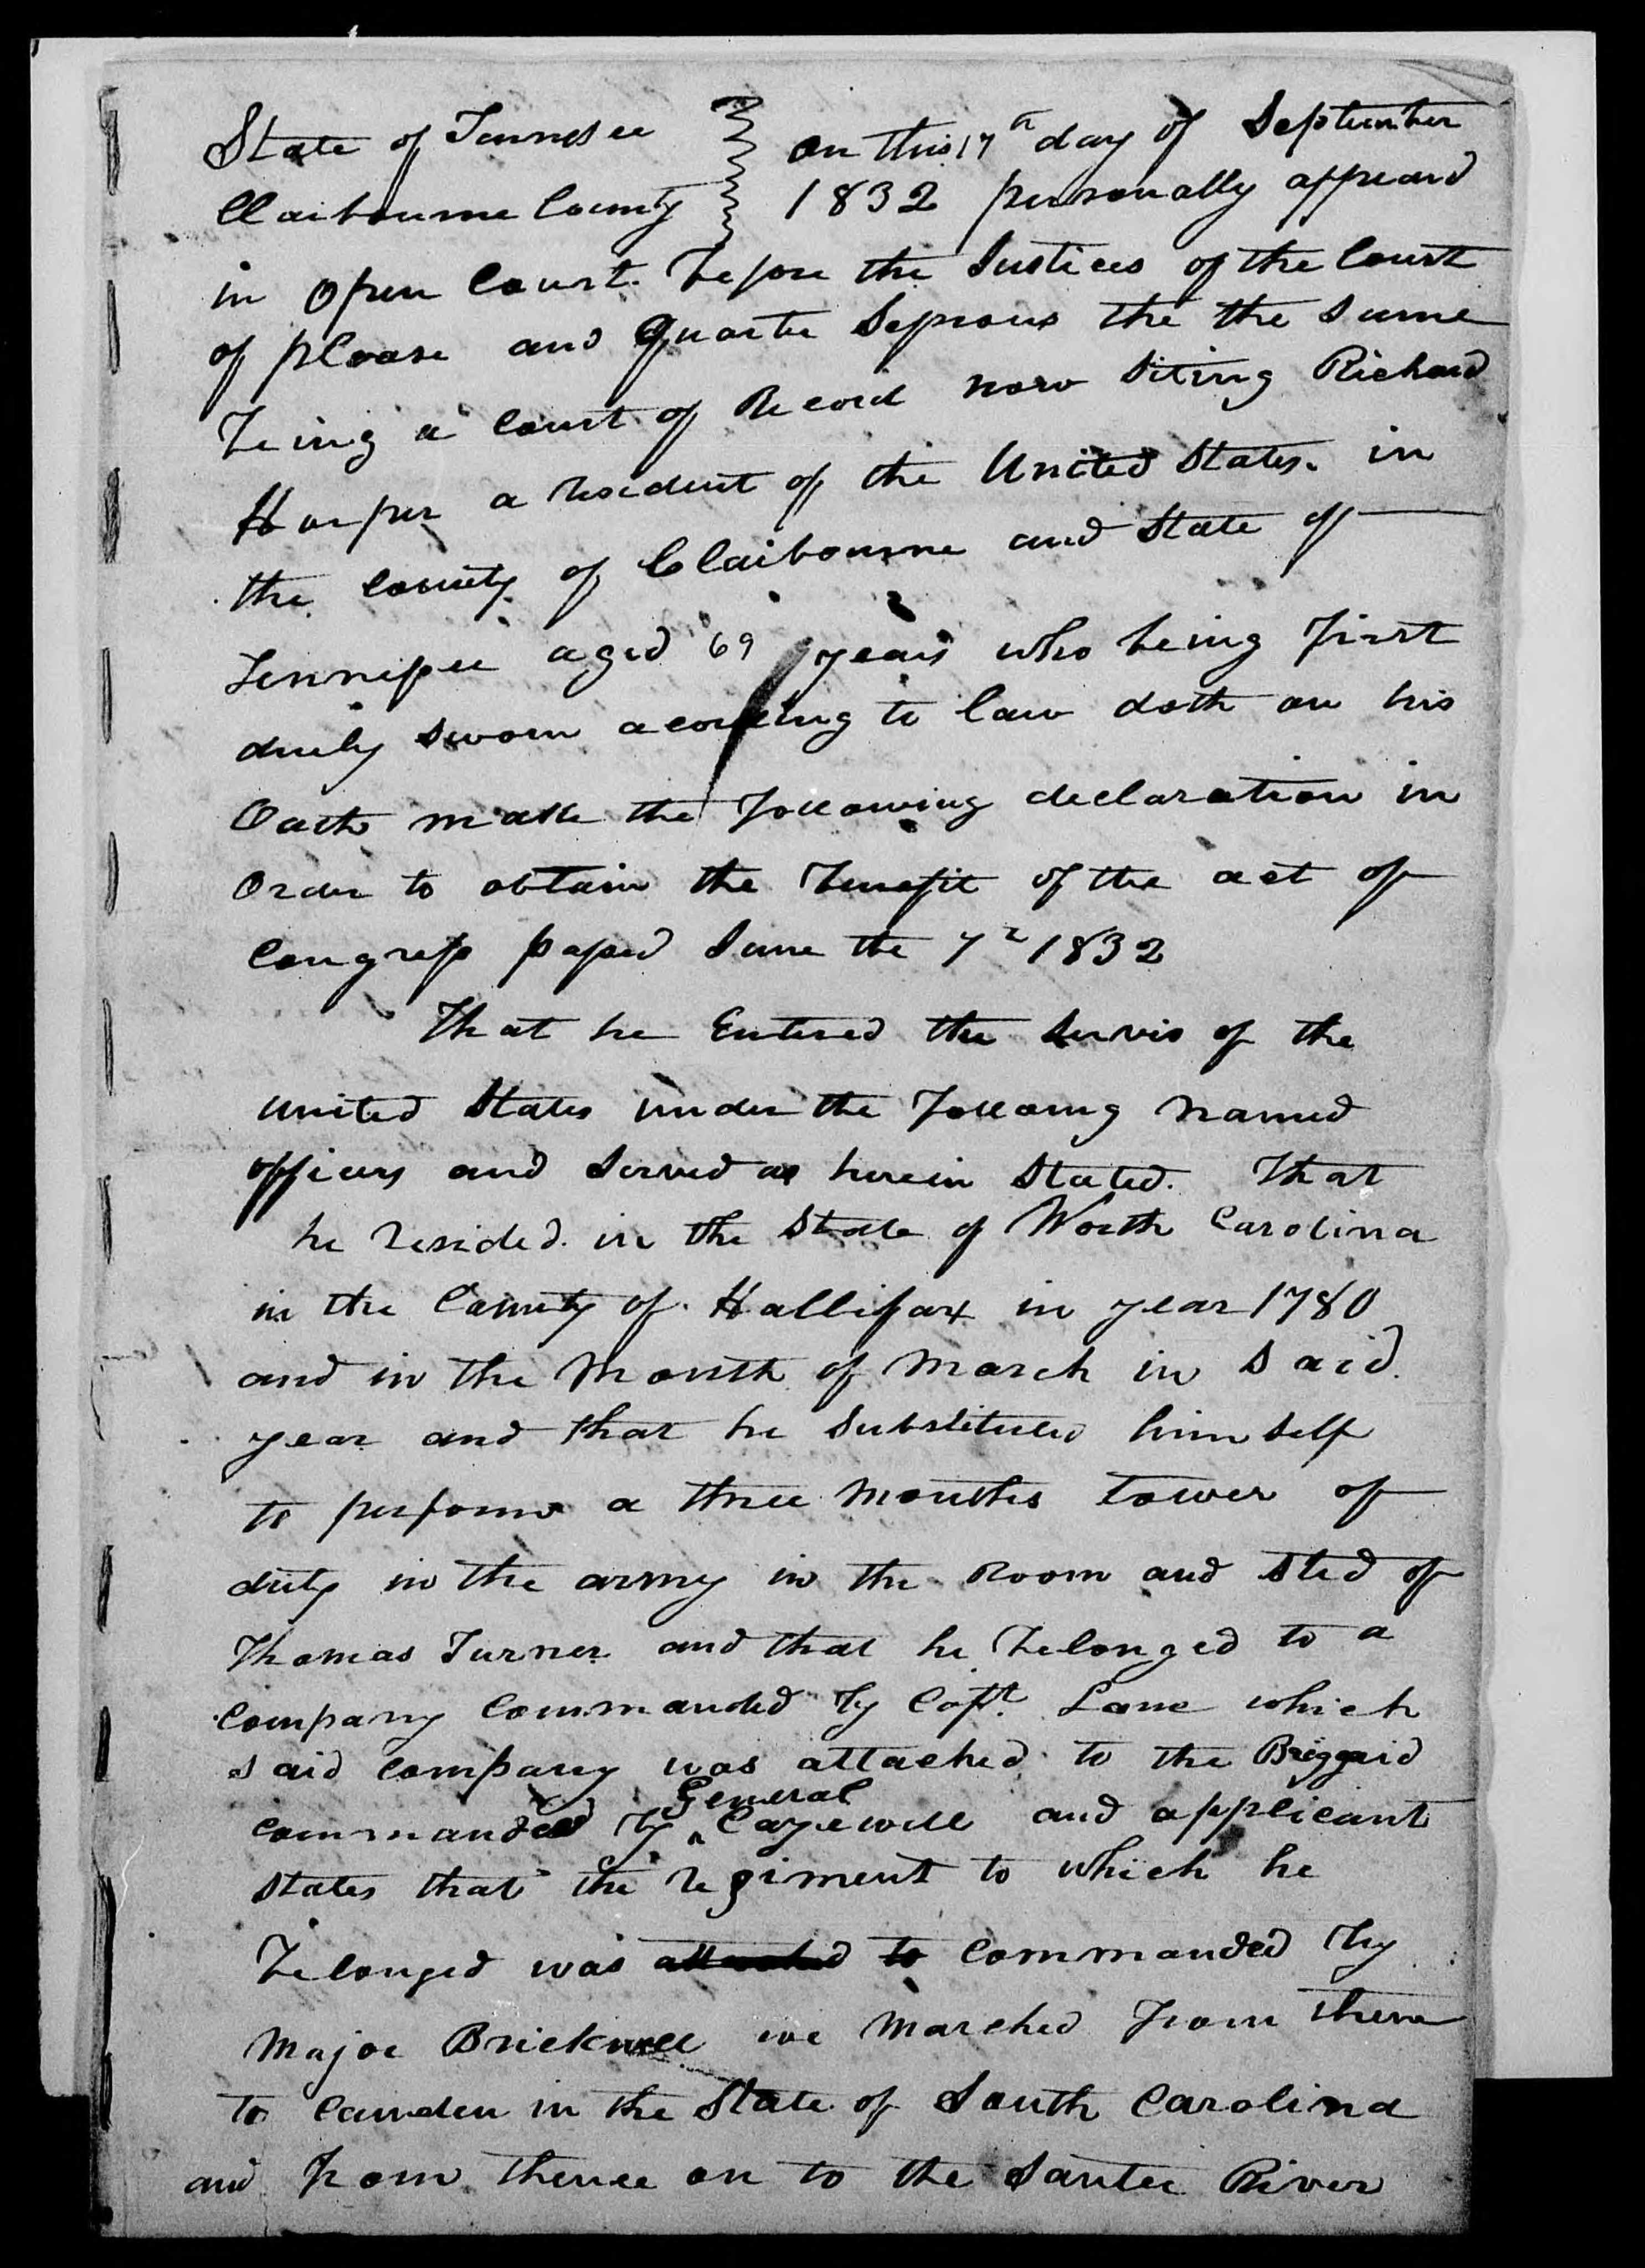State of Tennessee}
Claiborne County}
On this 17th day of September 1832 personally appeared in open Court before the Justices of the Court of please and quarter sessions the the same being a Court of Record now sitting Richard Harper a resident of the United States in the county of Claiborne and State of Tennessee aged 69 years who being first sworn according to law doth on his oath made the following declaration in order to obtain the benefit of the act of Congress passed June the 7th 1832
That he entered the service of the United States under the following named officers and served as herein stated. That he resided in the State of North Carolina in the County of Hallifax in year 1780 and in the month of March in said year and that he substituted himself to perform on three months tower [tour] of duty in the army in the room and sted of Thomas Turner and that he belonged to a Company Commanded by Capt. Lane which said Company was attached to the Briggaid commanded by General Cagewell and applicant states that the regiment to which he belonged was [attached to - CROSSED OUT] commanded by Major Brickwell we marched from there to Camden in the State of South Carolina and from there to the Santee River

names: Brickwell, Richard Harper, Thomas Turner, Lane, Cagewell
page: 3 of 81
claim: survivor's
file: S. 1908, Richard Harper, N.C.